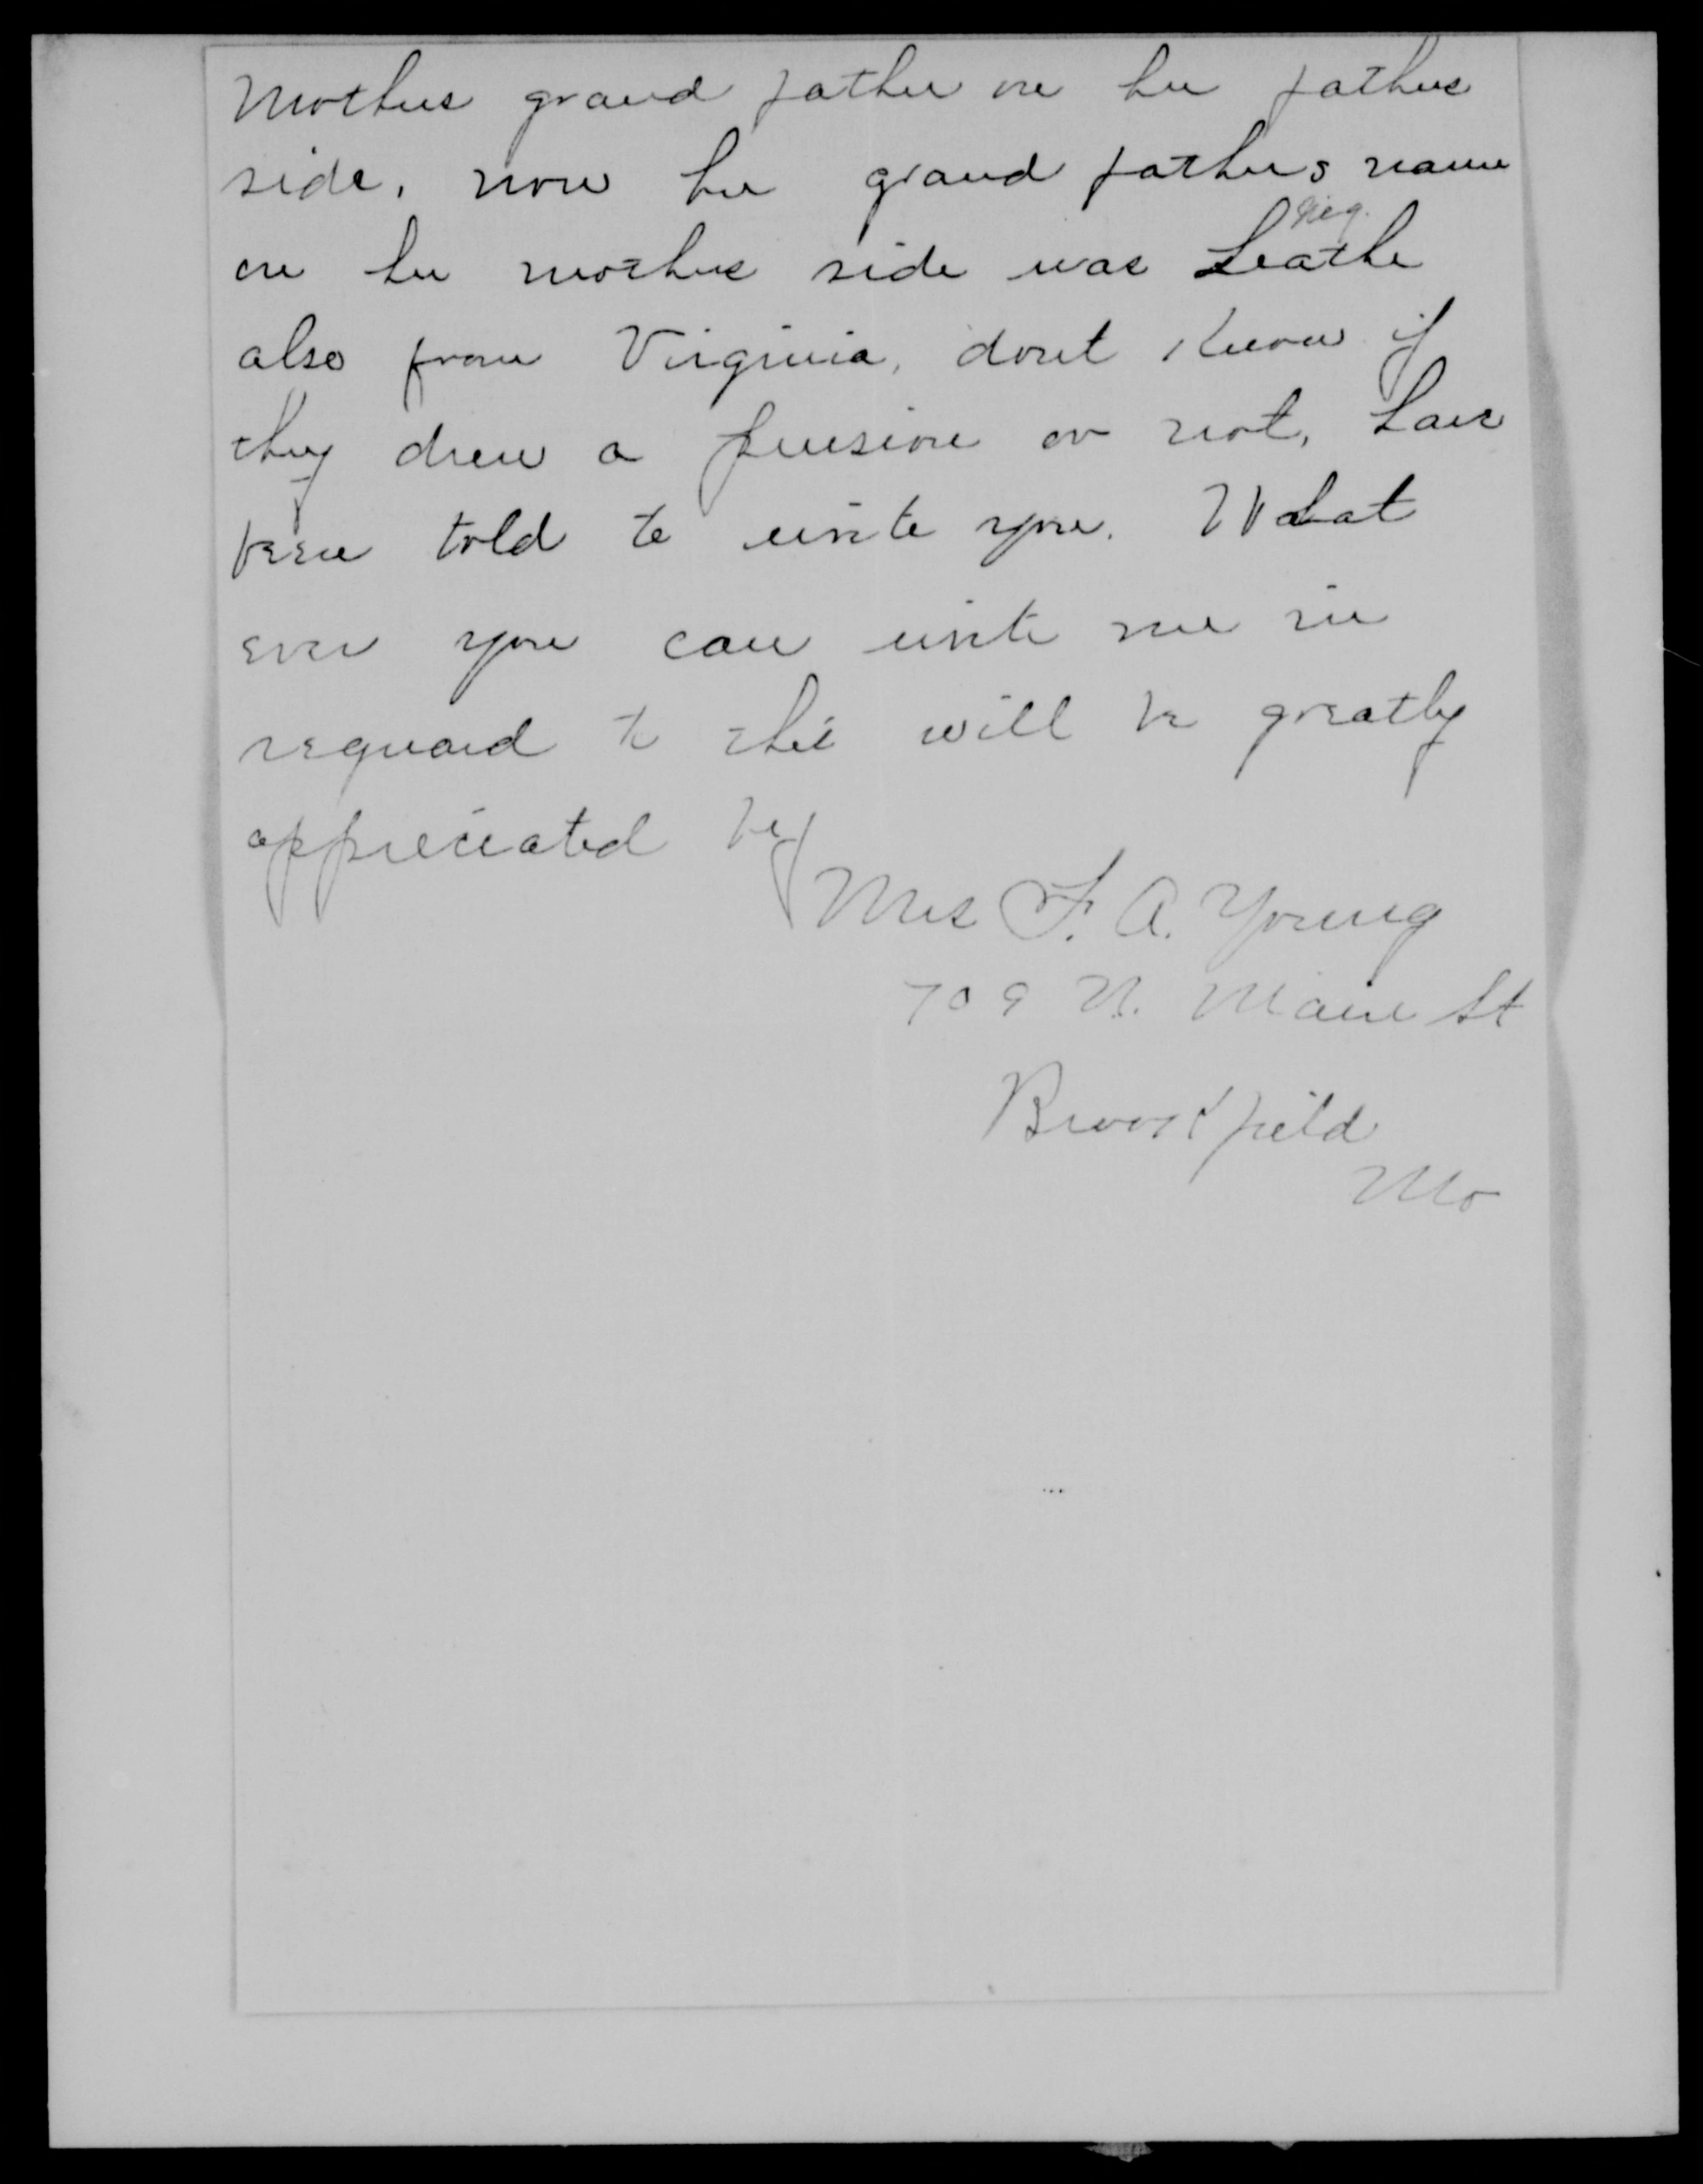Mothers grand father on her father's side, now her grand fathers name on her mothers side was [Leathe] also from Virginia, don't know if they drew a pension or not, have been told to write you. What ever you can write me in regard to the will is [gratly] appreciated by

Mrs. F.A. Young
709 N. Main St
Brookfield
MO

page: 17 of 25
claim: survivor's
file: S. 6258, for Isaac Tobin, New Jersey